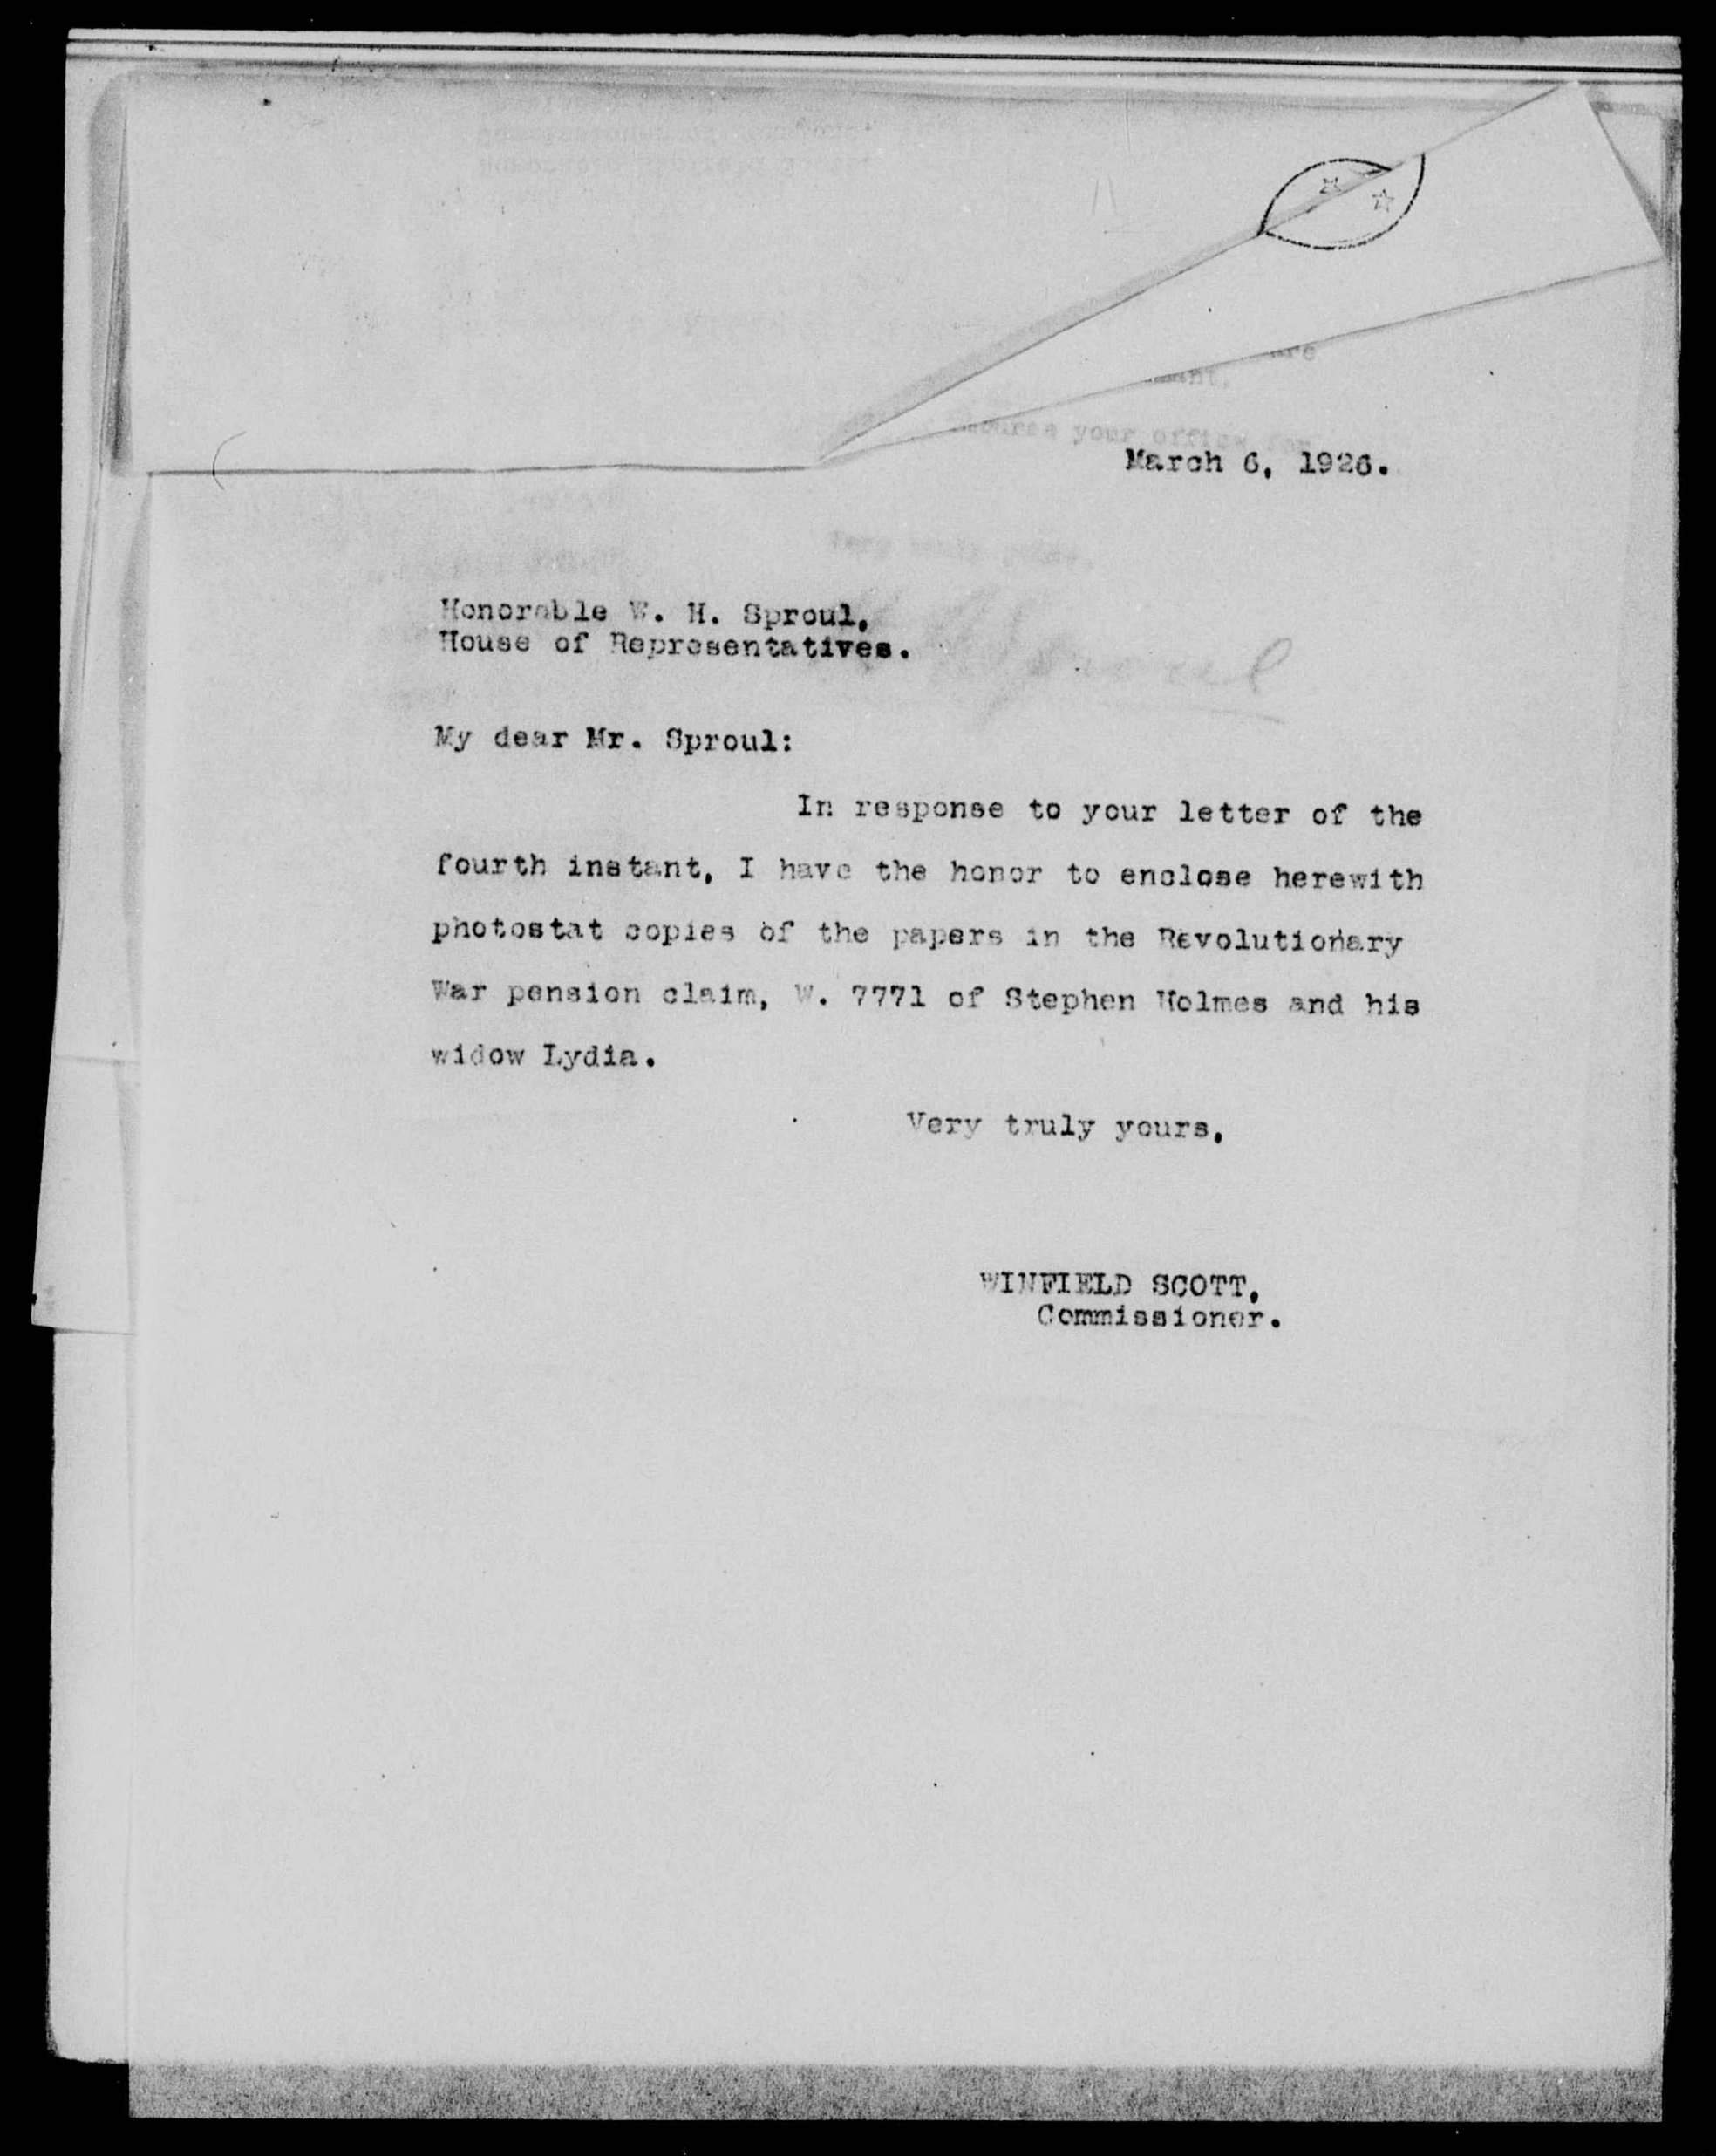March 6, 1926

Honorable W. H. Sproul,
House of Representatives.

My dear Mr. Sproul:

In response to your letter of the fourth instant, I have the honor to enclose herewith photostat copies of the papers in the Revolutionary War pension claim, W. 7771 of Stephen Holmes and his widow Lydia.

Very truly yours,

WINFIELD SCOTT, 
Commissioner.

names: Winfield Scott, Lydia, Stephen Holmes, W H Sproul, Sproul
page: 68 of 72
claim: widow's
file: W. 7771, Stephen Holmes, Vt.